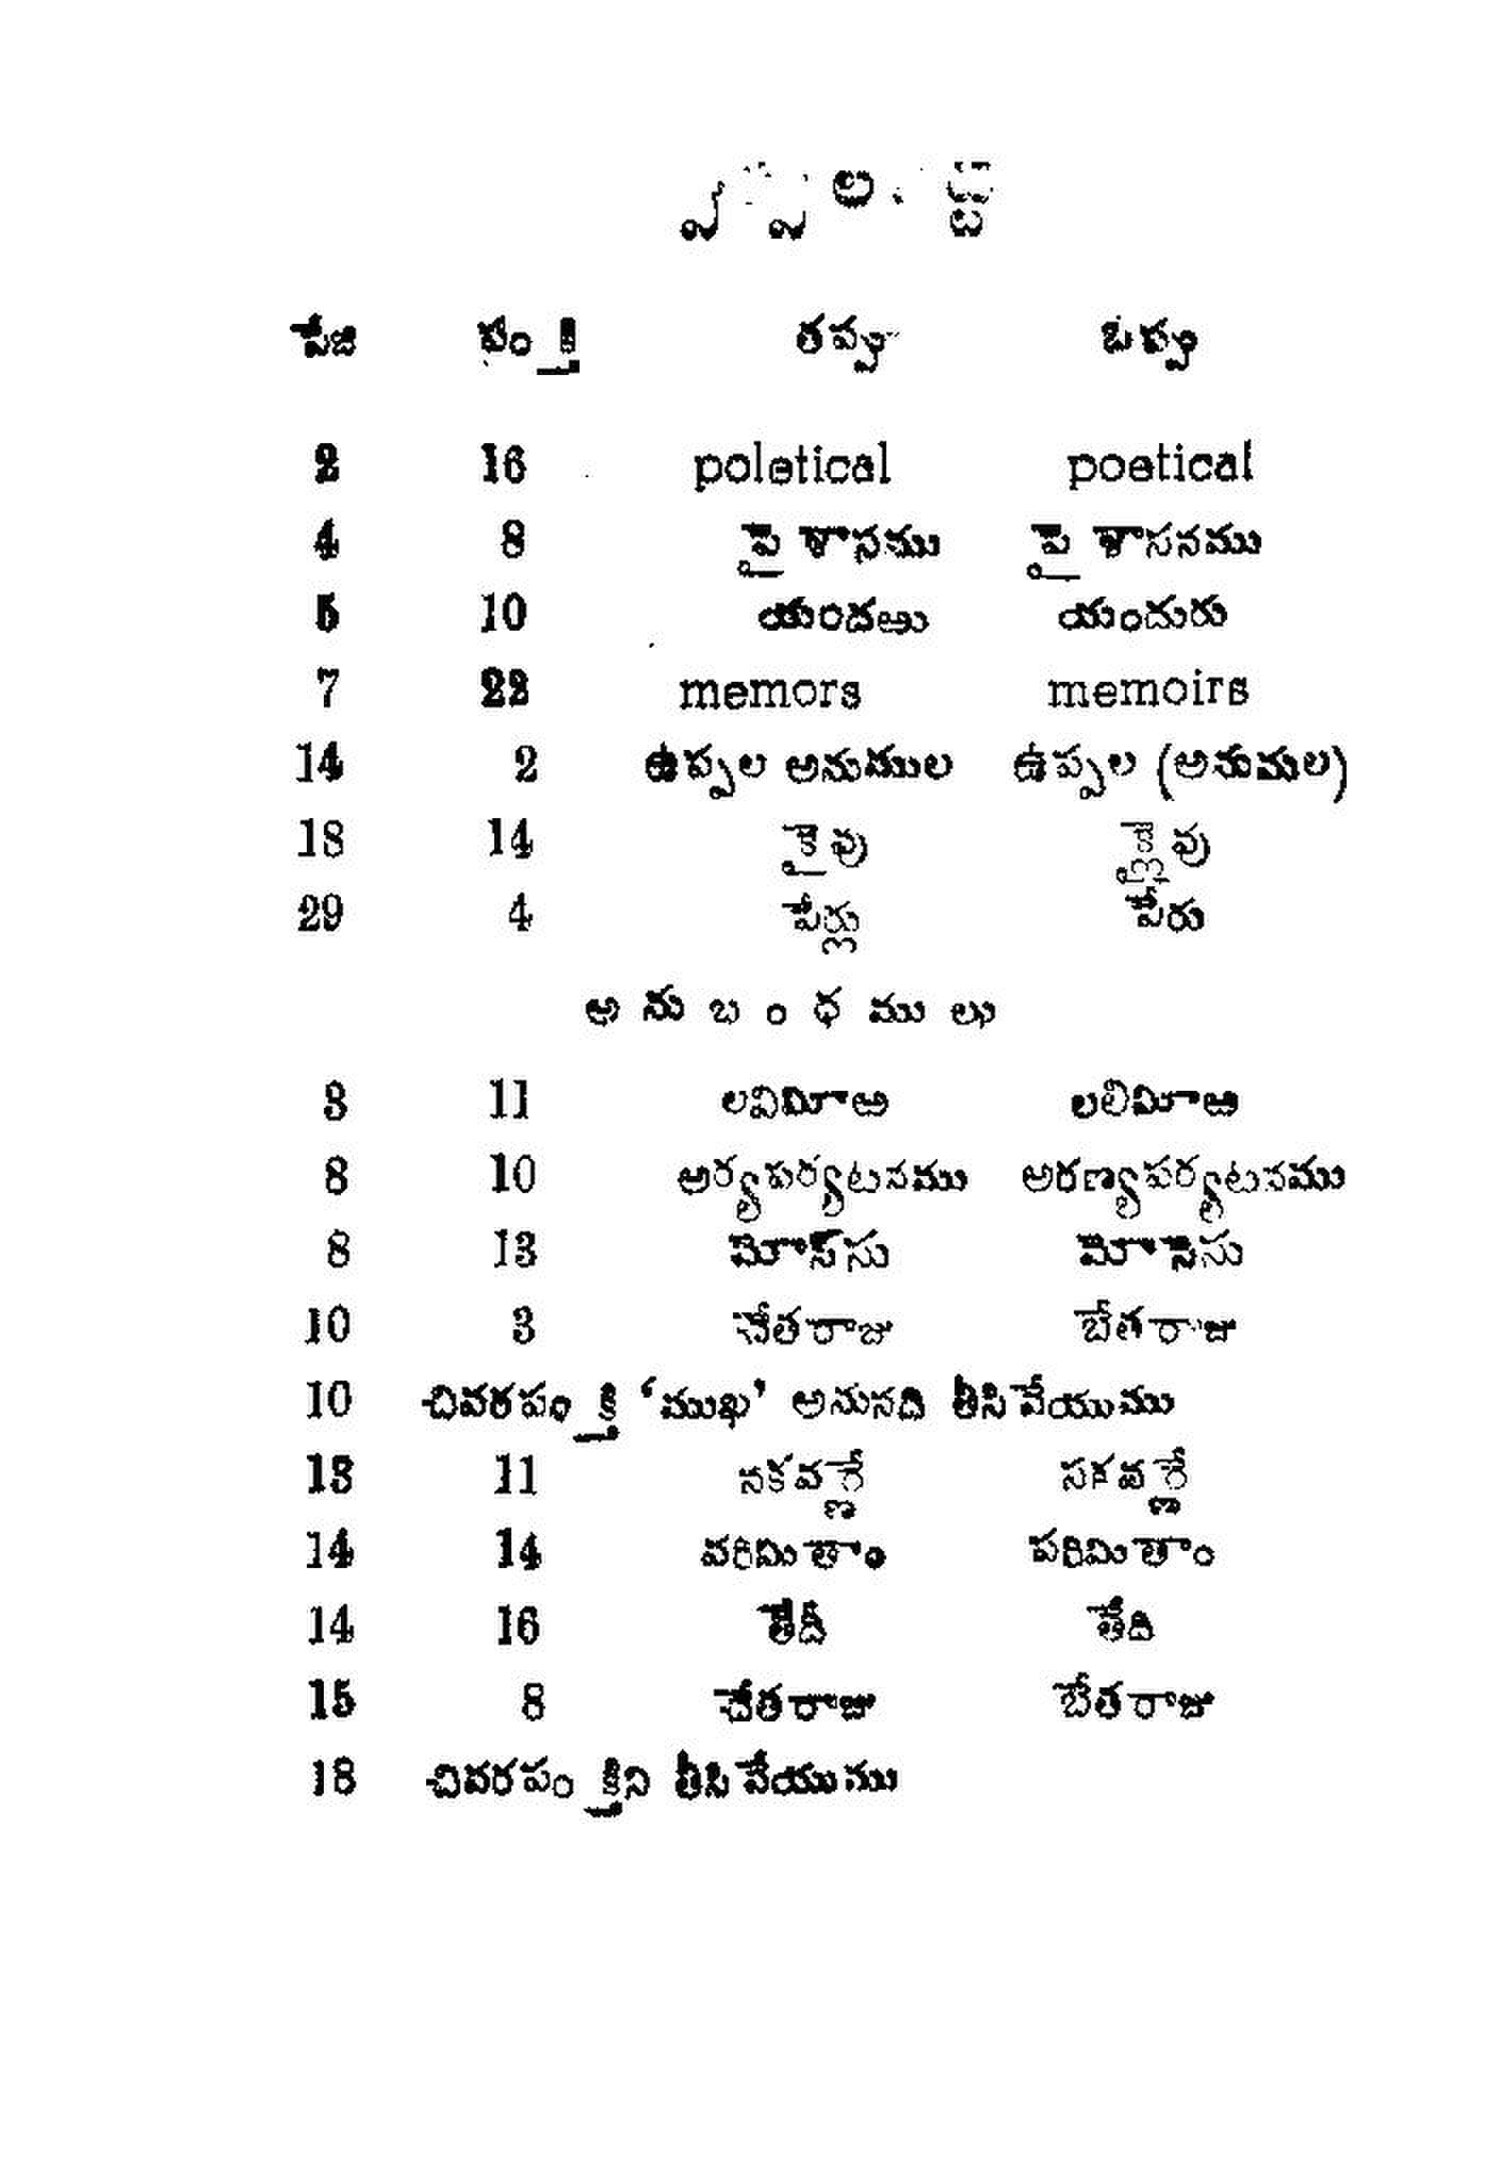పేజి పంక్తి తప్పు ఒప్పు 2 16 poletical poetical 4 8 పై శాసము పై శాసనము 5 10 యందఱు యందురు 7 22 memors memoirs 14 2 ఉప్పల అనుముల ఉప్పల (అనుమల) 8 14 కైవు క్లైవు 29 4 పేర్లు పేరు

 3 11 లవిమీఱ లలిమీఱ 8 10 అర్యపర్యటనము అరణ్యపర్యటనము 8 13 మోస్ సు మోసెసు 10 13 చేతరాజు బేతరాజు 10 చివరి పంక్తి 'ముఖ ' అనునది తీసివేయుము 13 11 నకవర్ణే సకవర్ణే 14 14 వరిమితాం పరిమితాం 14 16 తేదీ తేది15 8 చేతరాజు బేతరాజు 18 చివరి పంక్తిని తీసివేయుము